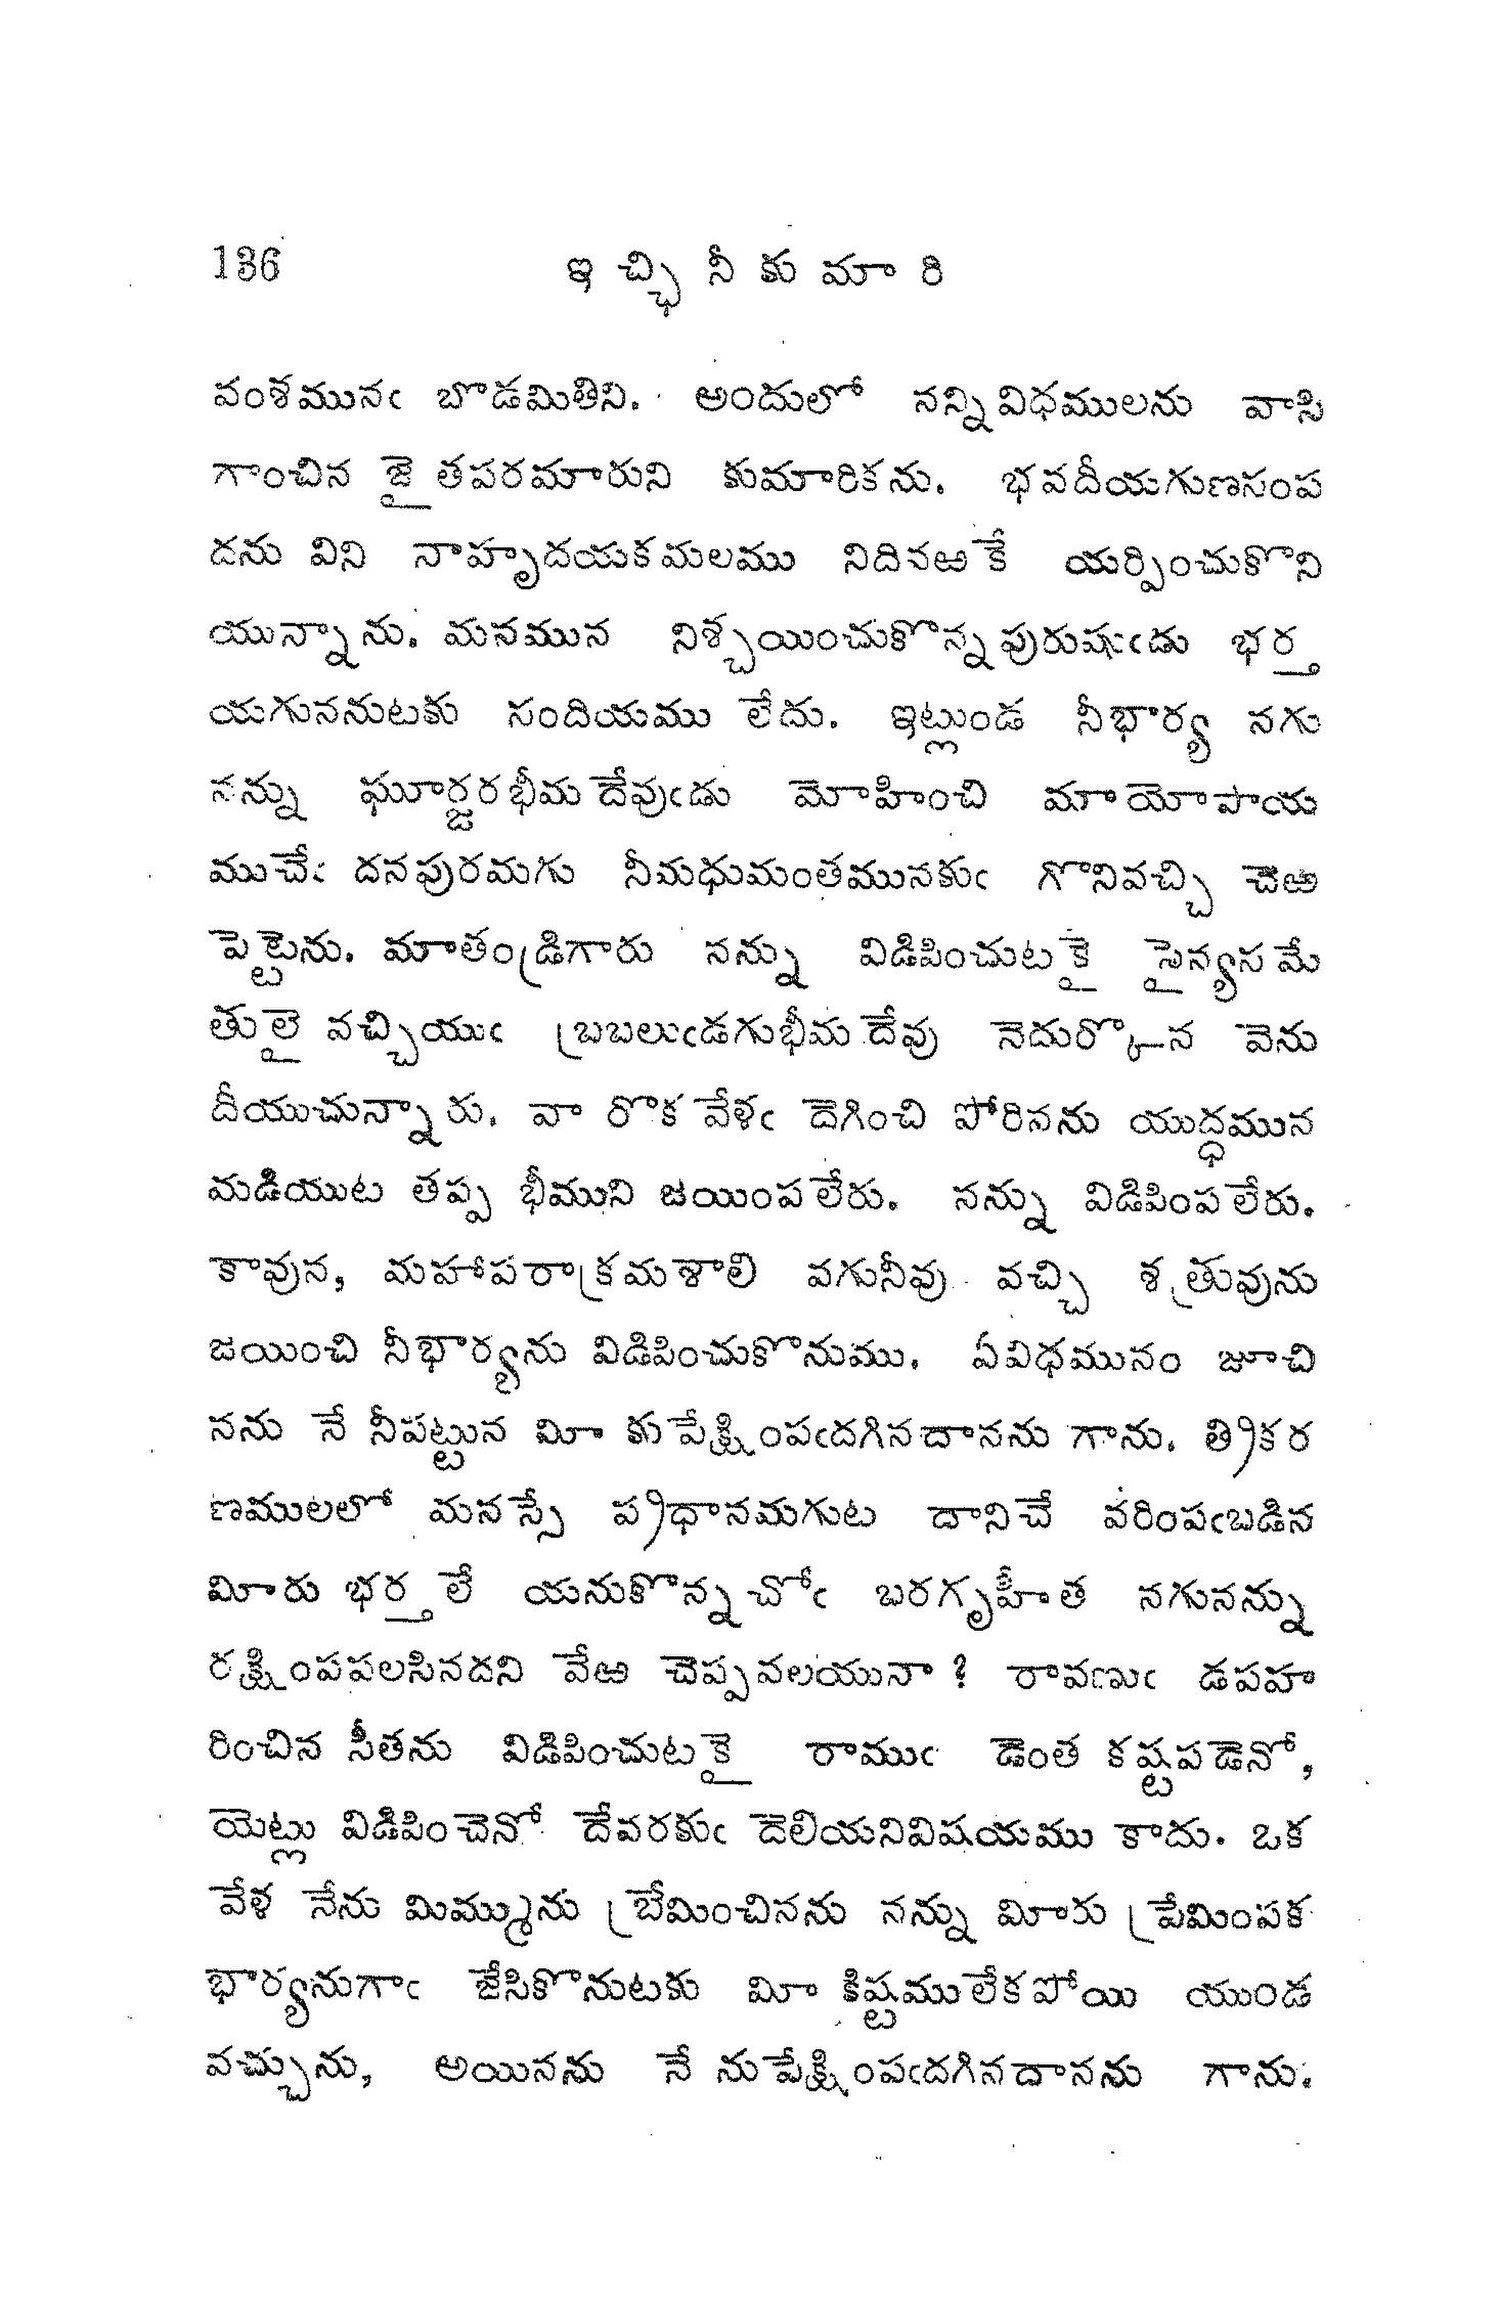వంశమునఁ బొడమితిని. ' అందులో నన్ని విధములను వాసి
గాంచిన జై తపరమారుని కుమారికను. భవదీయగుణ సంప
దను విని నాహృదయకమలము నిదివఱకే యర్పించుకొని
యున్నాను. మనమున నిశ్చయించుకొన్న పురుషుఁడు భర్త
యగుననుటకు సందియము లేదు. ఇట్లుండ నీ భార్య నగు
సన్ను మూర్జర భీమ దేవుఁడు మోహించి మాయోపాయ
ముచే దనపురమగు నీ మధుమంతమునకుఁ గొనివచ్చి చేటు
పెట్టెను. మాతండ్రిగారు నన్ను విడిపించుటకై సైన్యసమే
తులై వచ్చియుఁ బ్రబలుఁడగుభీమ దేవు నెదుర్కొన వెను
దీయుచున్నారు. వా రొక వేళఁ దెగించి పోరినను యుద్ధమున
మడియుట తప్ప భీముని జయింప లేరు. నన్ను విడిపింప లేరు.
కావున, మహాపరాక్రమశాలి వగునీవు . వచ్చి శత్రువును
జయించి నీ భార్యను విడిపించుకొనుము. ఏవిధమునం జూచి
నను నే నీ పట్టున మీకు పేక్షింపదగిన దానను గాను, త్రికర
ణములలో మనస్సే ప్రధానమగుట దానిచే వరింపఁబడిన
మీరు భర్త లే యనుకొన్న చోఁ బరగృహీత నగునన్ను
రక్షింపవలసినదని వేఱ చెప్పవలయునా ? రావణుఁ డపహ
రించిన సీతను విడిపించుటకై రాముడెంత కష్టపడెనో,
యెట్లు విడిపించెనో దేవరకుఁ దెలియని విషయము కాదు. ఒక
వేళ నేను మిమ్మును ప్రేమించినను నన్ను మీరు ప్రేమింపక
భార్యనుగాఁ జేసికొనుటకు మీ కిష్టము లేక పోయి యుండ
వచ్చును, అయినను నేను పేక్షింపఁదగినదానను గాను: